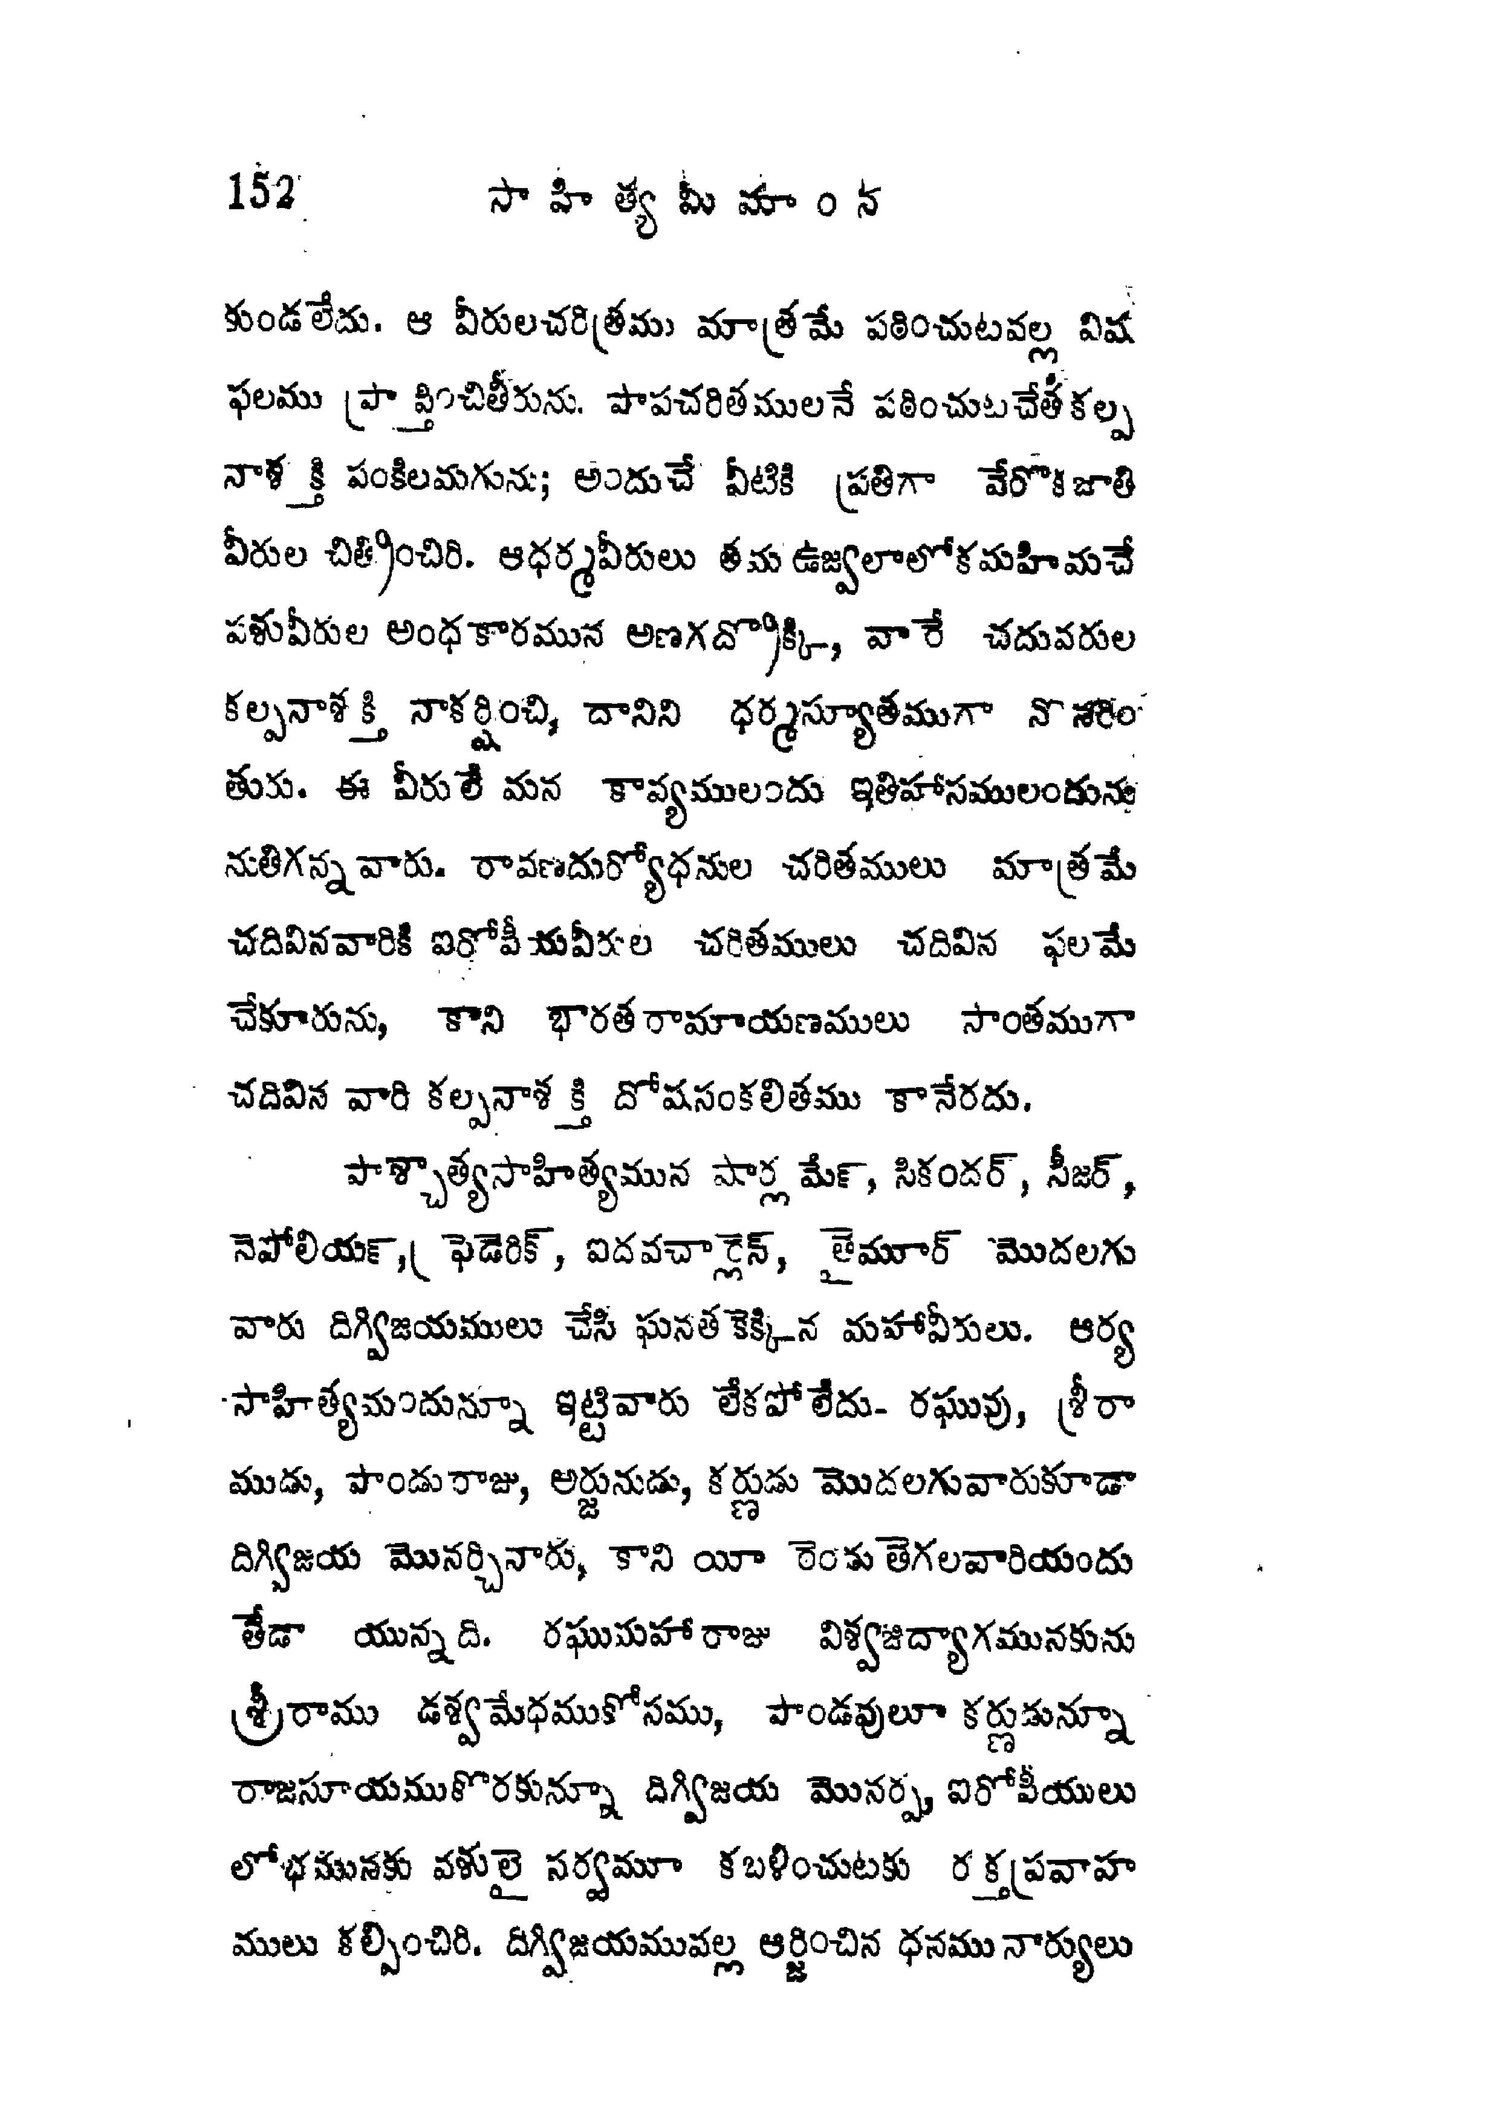కుండలేదు. ఆ వీరులచరిత్రము మాత్రమే పఠించుటవల్ల విష ఫలము ప్రాప్తించితీరును. పాపచరితములనే పఠించుటచేత కల్పనాశక్తి పంకిలమగును; అందుచే వీటికి ప్రతిగా వేరొకజాతి వీరుల చిత్రించిరి. ఆధర్మవీరులు తమ ఉజ్వలాలోకమహిమచే పశువీరుల అంధకారమున అణగద్రొక్కి, వారే చదువరుల కల్పనాశక్తి నాకర్షించి, దానిని ధర్మస్యూతముగా నొనరింతురు. ఈ వీరులే మన కావ్యములందు ఇతిహాసములందును నుతిగన్నవారు. రావణదుర్యోధనుల చరితములు మాత్రమే చదివినవారికి ఐరోపీయవీరుల చరితములు చదివిన ఫలమే చేకూరును, కాని భారతరామాయణములు సాంతముగా చదివిన వారి కల్పనాశక్తి దోషసంకలితము కానేరదు.

పాశ్చాత్యసాహిత్యమున షార్ల మేన్, సికిందర్, సీజర్, నెపోలియన్, ఫ్రెడెరిక్, ఐదవచార్లెస్, తైమూర్ మొదలగు వారు దిగ్విజయములు చేసి ఘనత కెక్కిన మహావీరులు. ఆర్య సాహిత్యమందున్నూ ఇట్టివారు లేకపోలేదు - రఘువు, శ్రీరాముడు, పాండురాజు, అర్జునుడు, కర్ణుడు మొదలగువారుకూడా దిగ్విజయ మొనర్చినారు, కాని యీ రెండు తెగలవారియందు తేడా యున్నది. రఘుమహారాజు విశ్వజిద్యాగమునకును శ్రీరాము డశ్వమేధముకోసము, పాండవులూ కర్ణుడున్నూ రాజసూయముకొరకున్నూ దిగ్విజయ మొనర్ప, ఐరోపీయులు లోభమునకు వశులై సర్వమూ కబళించుటకు రక్తప్రవాహములు కల్పించిరి. దిగ్విజయమువల్ల ఆర్జించిన ధనము నార్యులు